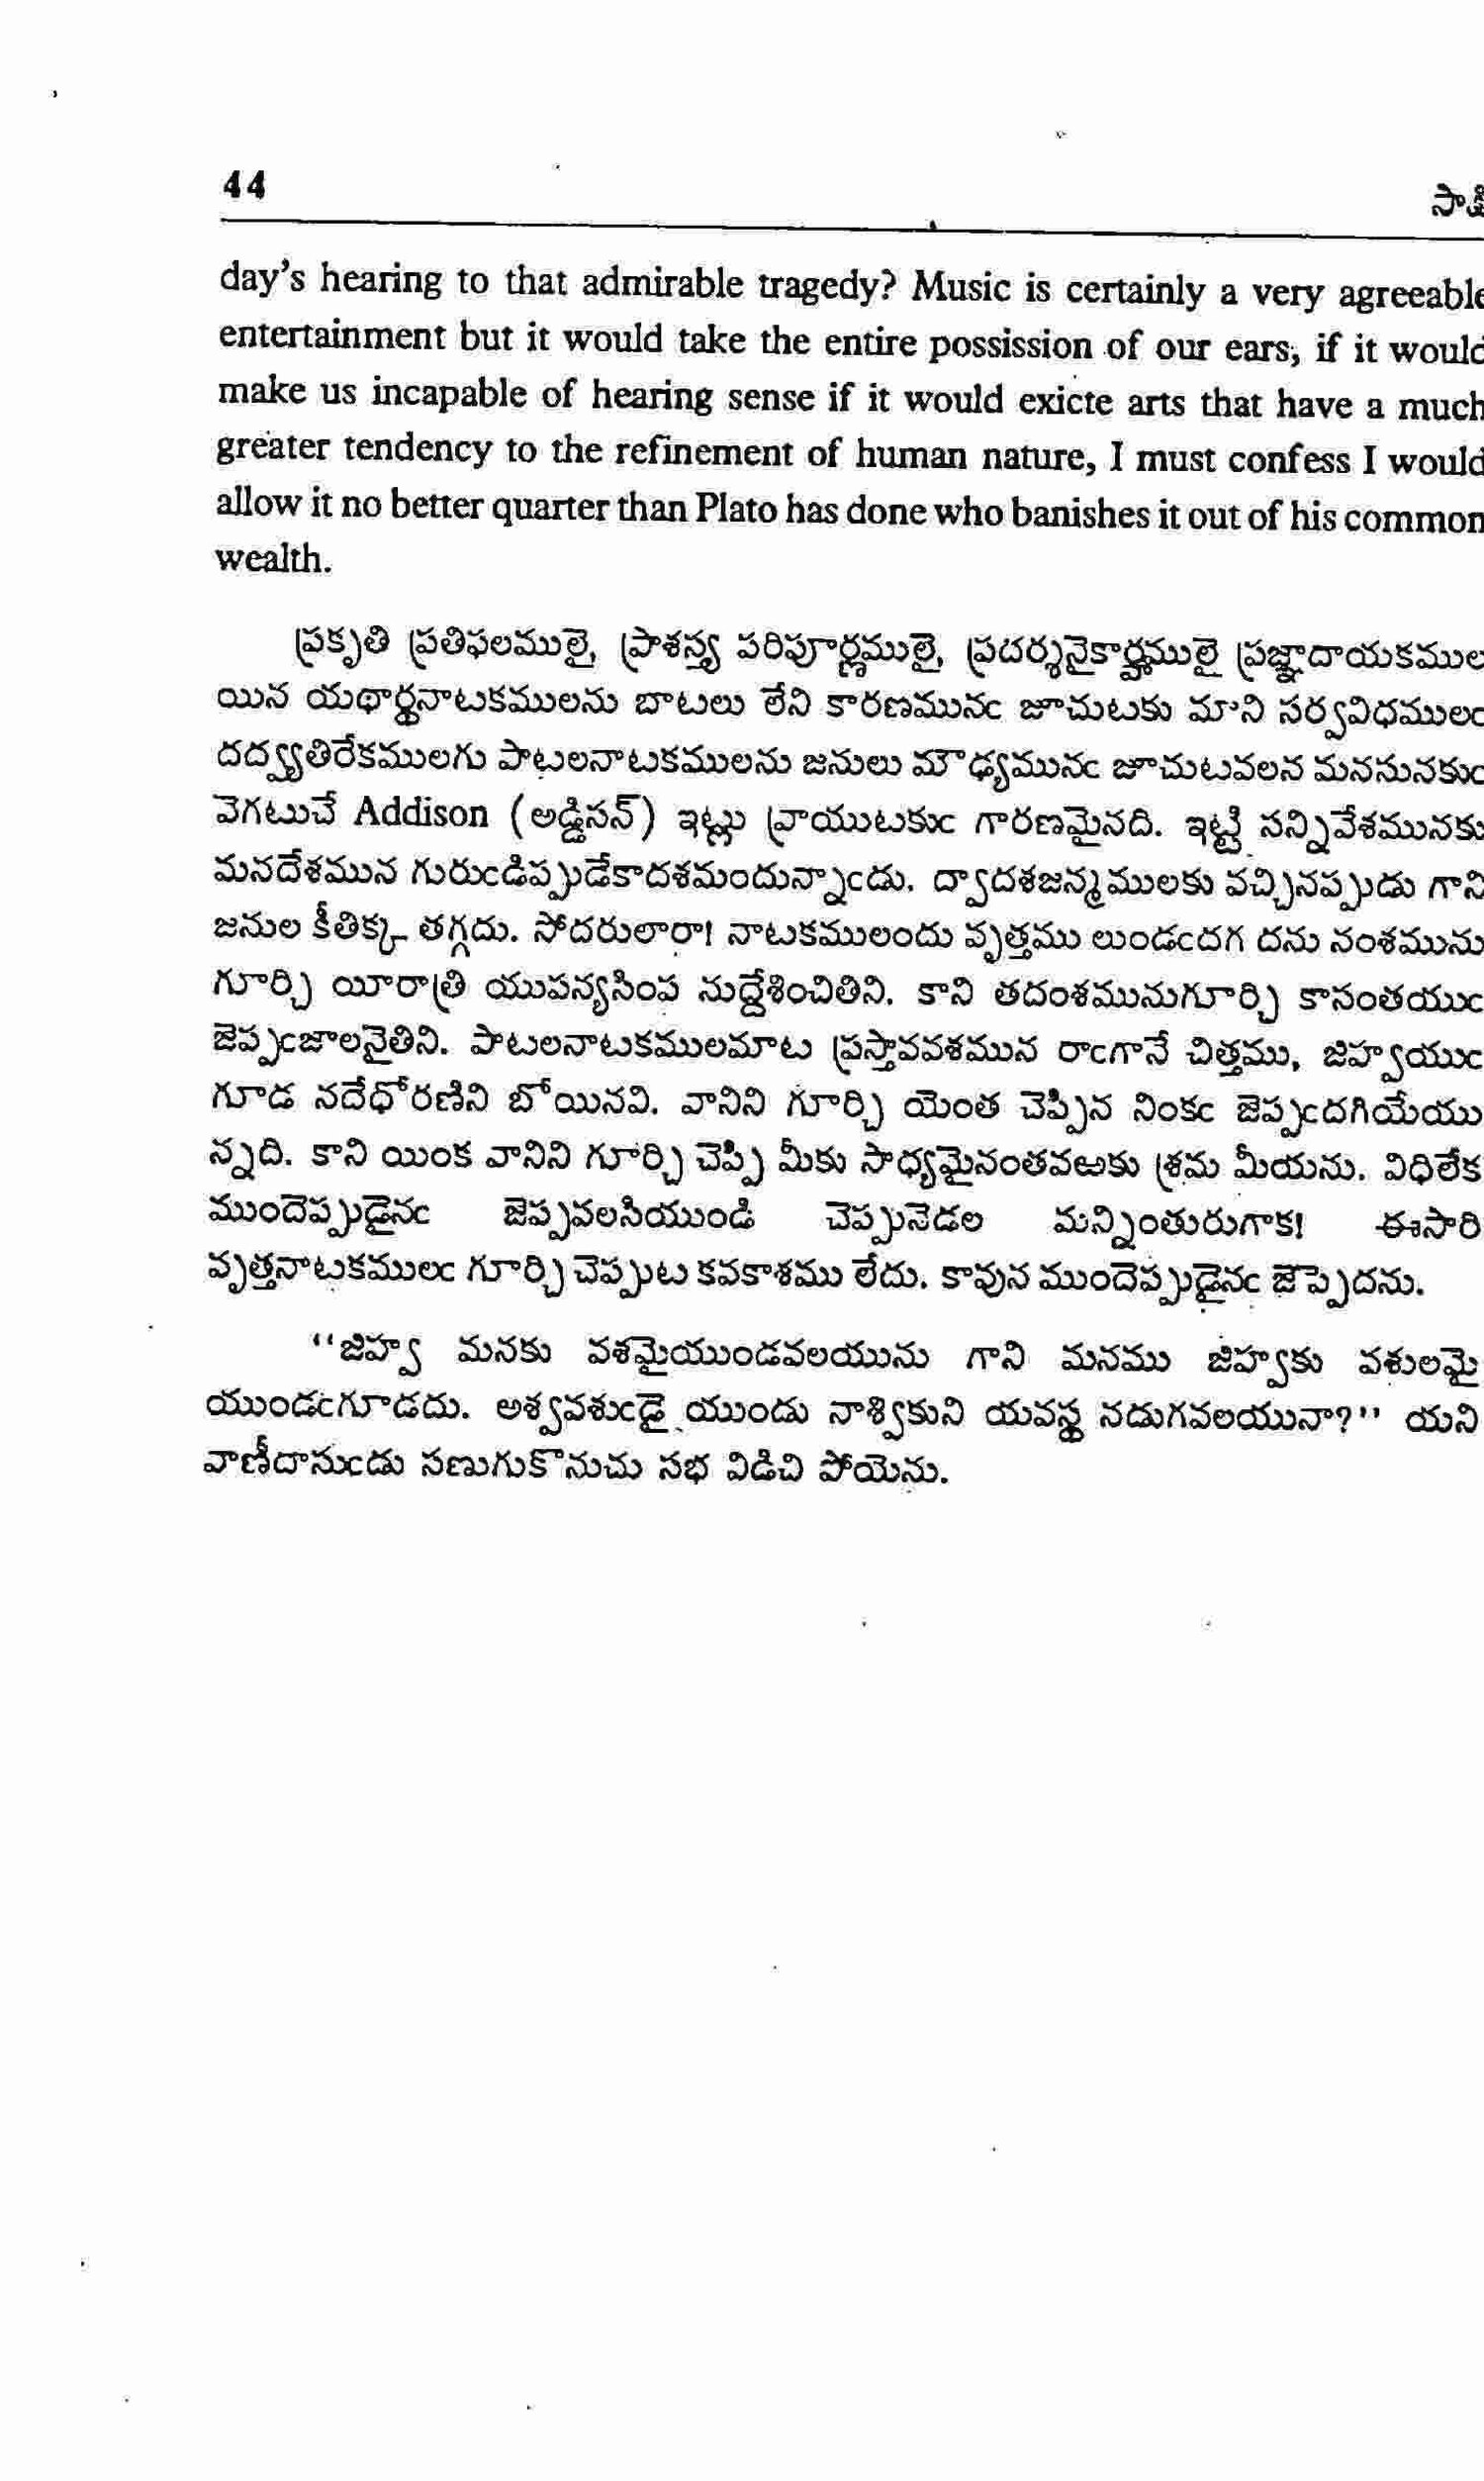day's hearing to that admirable tragedy? Music is certainly a very agreeable
entertainment but it would take the entire possission of our ears, if it would make us incapable of hearing sense if it would exicte arts that have a much greater tendency to the refinement of human nature, I must confess I would allow it no better quarter than Plato has done who banishes it out of his common wealth.

ప్రకృతి ప్రతిఫలములై, ప్రాశస్త్య పరిపూర్ణములై, ప్రదర్శనైకార్హములై ప్రజ్ఞాదాయకములయిన యథార్థనాటకములను బాటలు లేని కారణమునఁ జూచుటకు మాని సర్వవిధములయ దద్వ్యతిరేకములగు పాటలనాటకములను జనులు మౌఢ్యమునఁ జూచుటవలన మనసునకుఁ వెగటుచే Addison (అడిసన్) ఇట్లు వ్రాయుటకుఁ గారణమైనది. ఇట్టి సన్నివేశమునకు మనదేశమున గురుఁడిప్పుడేకాదశమందున్నాఁడు. ద్వాదశజన్మములకు వచ్చినప్పుడు గాని జనుల కీతిక్క తగ్గదు. సోదరులారా! నాటకములందు వృత్తము లుండఁదగ దను వంశమును గూర్చి యీరాత్రి యుపన్యసింప నుద్దేశించితిని. కాని తదంశమును గూర్చి కాసంతయుఁ జెప్పఁజాలనైతిని. పాటలనాటకములమాట ప్రస్తావవశమున రాఁగానే చిత్తము, జిహ్వయుఁ గూడ నదేధోరణిని బోయినవి. వానిని గూర్చి యెంత చెప్పిన నింకఁ జెప్పఁదగియే యున్నది. కాని యింక వానిని గూర్చి చెప్పి మీకు సాధ్యమైనంతవఱకు శ్రమ మీయను. విధిలేక ముందెప్పుడైనఁ జెప్పవలసియుండి చెప్పునేడల మన్నింతురుగాక! ఈసారి
వృత్తనాటకములఁ గూర్చి చెప్పుట కవకాశము లేదు. కావున ముందెప్పుడైనఁ జెప్పెదను.

"జిహ్వ మనకు వశమైయుండవలయును గాని మనము జిహ్వకు వశులమై యుండఁగూడదు. అశ్వవశుఁడై యుండు నాశ్వికుని యవస్థ నడుగవలయునా?" యని వాణీదాసుఁడు సణుగుకొనుచు సభ విడిచి పోయెను.